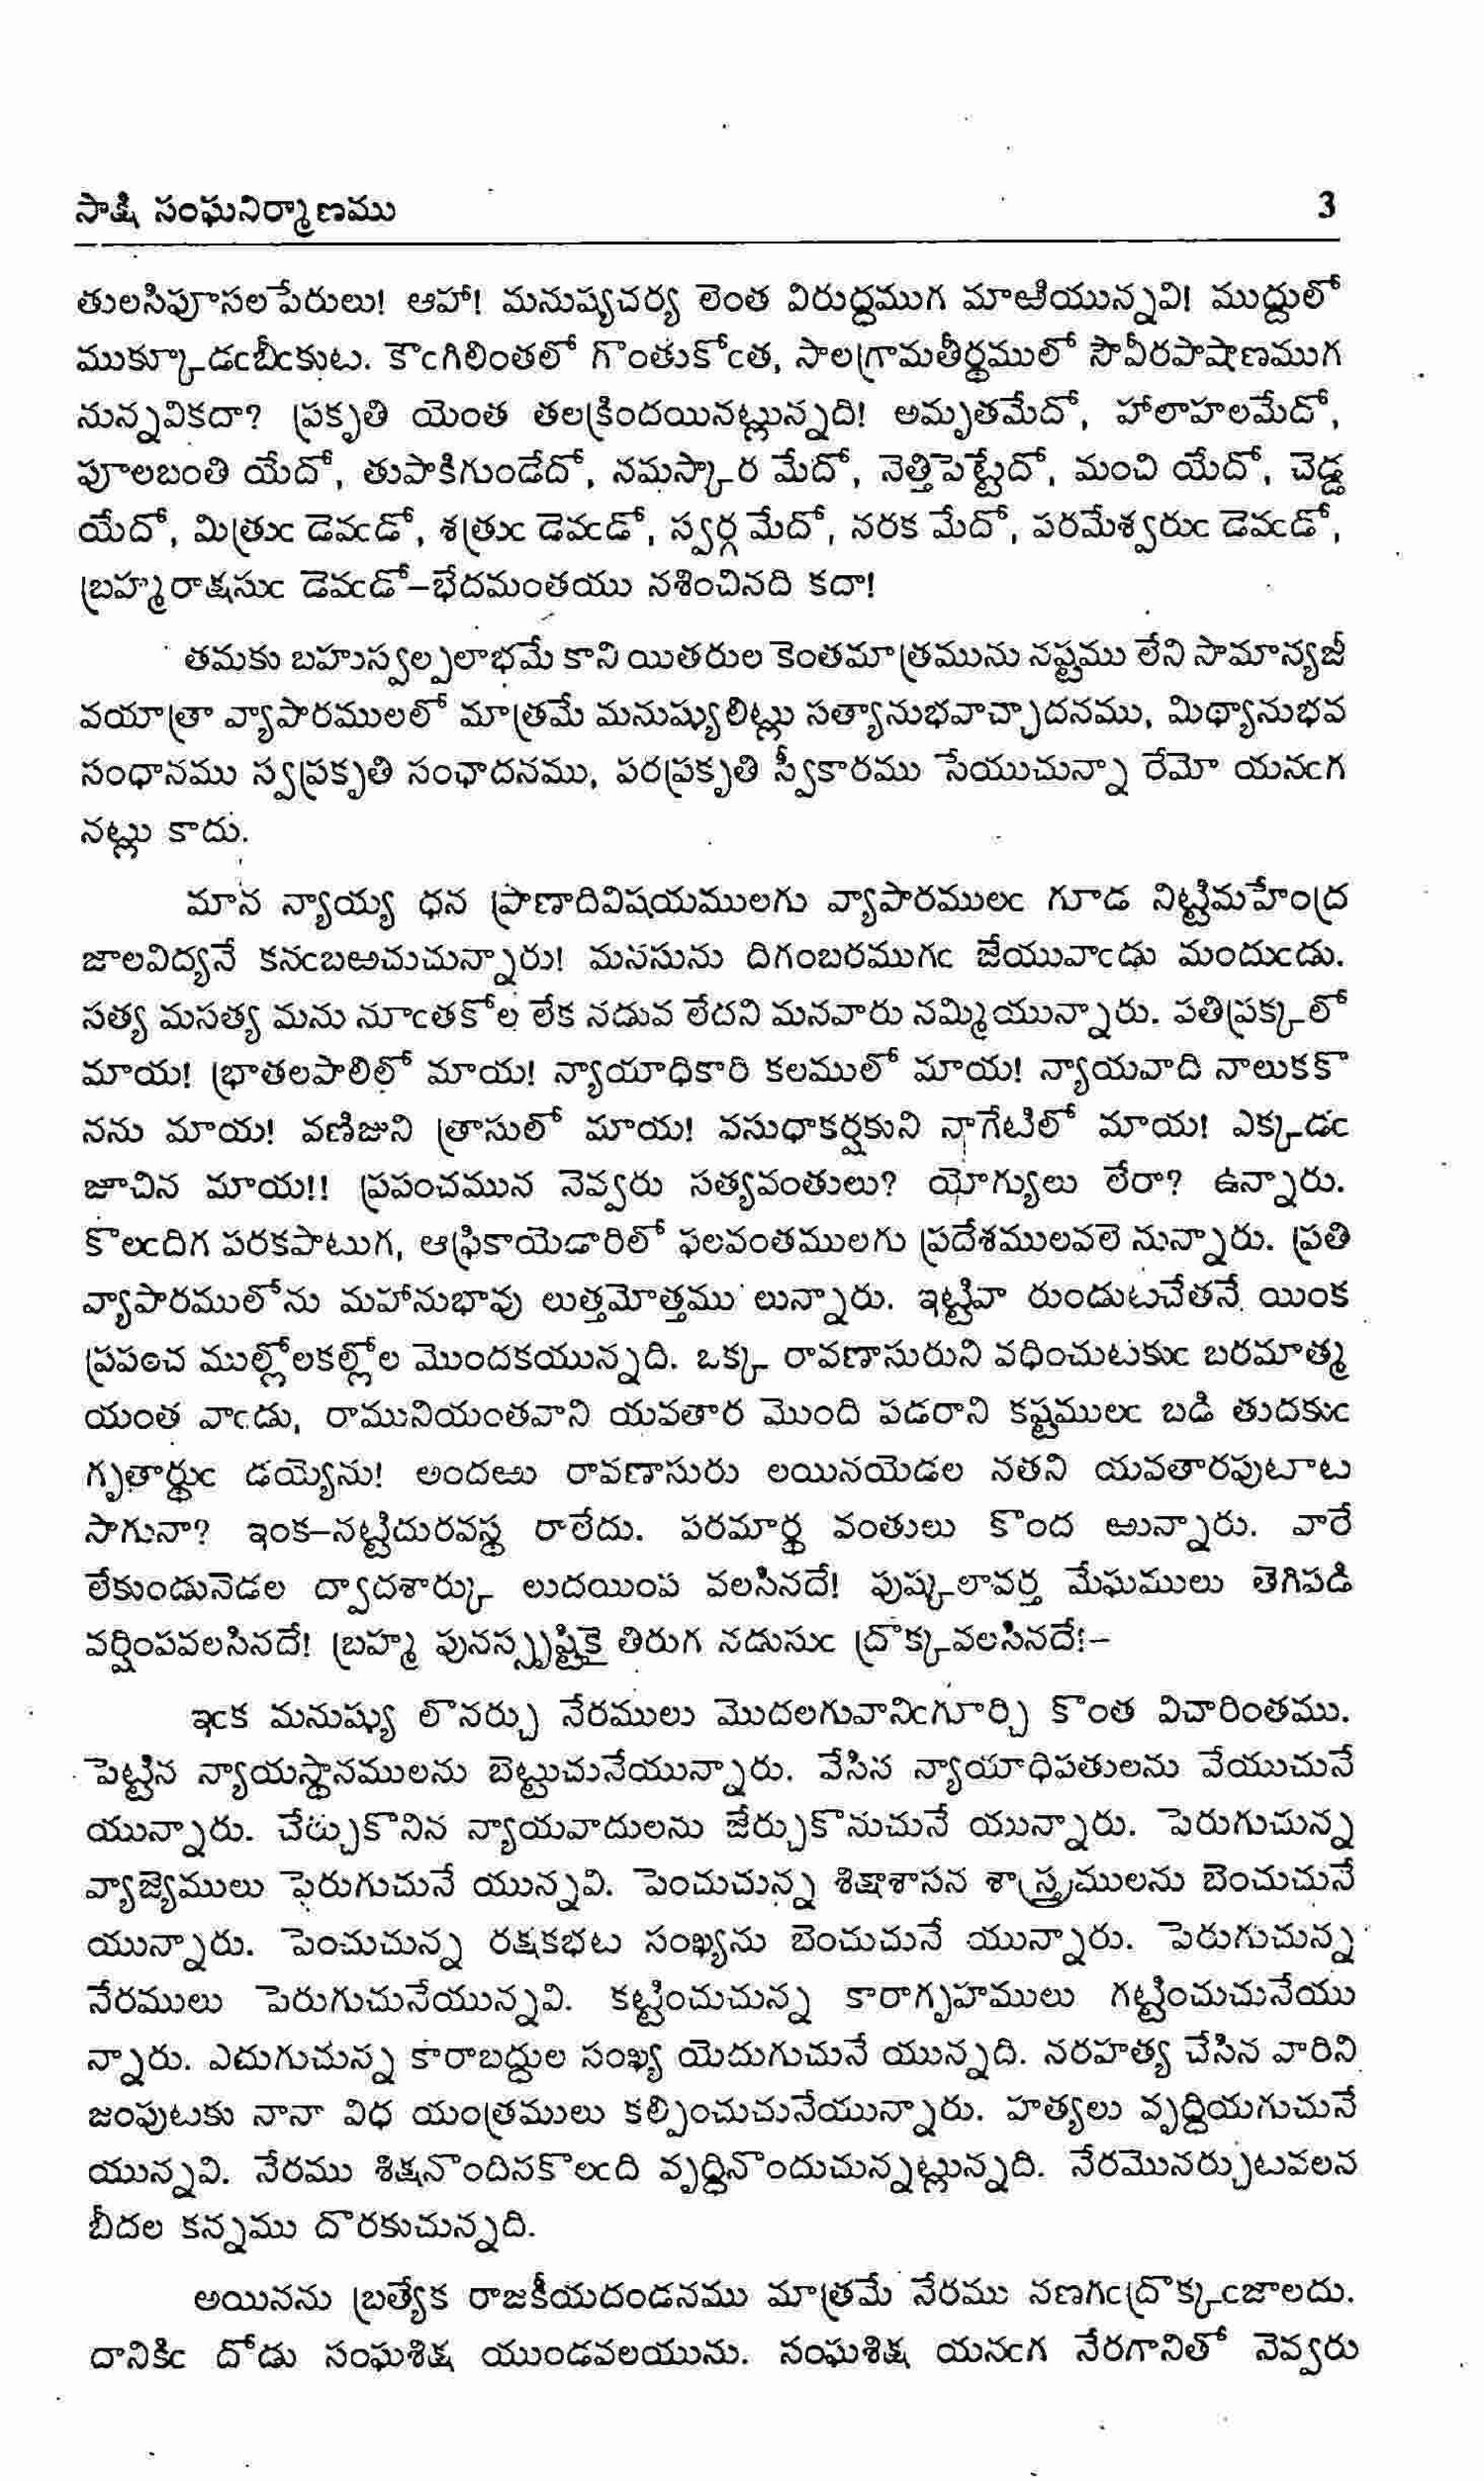తులసిపూసలపేరులు! ఆహా! మనుష్యచర్య లెంత విరుద్ధముగ మాఱియున్నవి! ముద్దులో
ముక్కూడఁబీఁకుట. కౌఁగిలింతలో గొంతుకోఁత, సాలగ్రామతీర్థములో సౌవీరపాషాణముగ నున్నవికదా? ప్రకృతి యెంత తలక్రిందయినట్లున్నది! అమృతమేదో, హాలాహలమేదో, పూలబంతి యేదో, తుపాకిగుండేదో, నమస్కార మేదో, నెత్తిపెట్టేదో, మంచి యేదో, చెడ్డ యేదో, మిత్రుఁ డెవఁడో, శత్రుఁ డెవఁడో, స్వర్గ మేదో, నరక మేదో, పరమేశ్వరుఁ డెవఁడో, బ్రహ్మరాక్షసుఁ డెవ్వడో - భేదమంతయు నశించినది కదా!

తమకు బహుస్వల్పలాభమే కాని యితరుల కెంతమాత్రమును నష్టము లేని సామాన్యజీవయాత్రా వ్యాపారములలో మాత్రమే మనుష్యులిట్లు సత్యానుభవాచ్చాదనము, మిథ్యానుభవ సంధానము స్వప్రకృతి సంఛాదనము, పరప్రకృతి స్వీకారము సేయుచున్నా రేమో యనఁగ నట్లు కాదు.

మాన న్యాయ్య ధన ప్రాణాదివిషయములగు వ్యాపారములఁ గూడ నిట్టిమహేంద్రజాలవిద్యనే కనఁబఱచుచున్నారు! మనసును దిగంబరముగఁ జేయువాఁడు మందుఁడు. సత్య మసత్య మను నూఁతకోల లేక నడువ లేదని మనవారు నమ్మియున్నారు. పతిప్రక్కలో మాయ! భ్రాతలపాలిలో మాయ! న్యాయాధికారి కలములో మాయ! న్యాయవాది నాలుకకొనను మాయ! వణిజుని త్రాసులో మాయ! వసుధాకర్షకుని నాగేటిలో మాయ! ఎక్కడఁ జూచిన మాయ!! ప్రపంచమున నెవ్వరు సత్యవంతులు? యోగ్యులు లేరా? ఉన్నారు. కొలఁదిగ పరకపాటుగ, ఆఫ్రికాయెడారిలో ఫలవంతములగు ప్రదేశములవలె నున్నారు. ప్రతి వ్యాపారములోను మహానుభావు లుత్తమోత్తము లున్నారు. ఇట్టివా రుండుటచేతనే యింక ప్రపంచ ముల్లోలకల్లోల మొందకయున్నది. ఒక్క రావణాసురుని వధించుటకుఁ బరమాత్మ
యంత వాఁడు, రామునియంతవాని యవతార మొంది పడరాని కష్టములఁ బడి తుదకుఁ గృతార్థుఁ డయ్యెను! అందఱు రావణాసురు లయినయెడల నతని యవతారపుటాట సాగునా? ఇంక - నట్టిదురవస్థ రాలేదు. పరమార్థ వంతులు కొంద ఱున్నారు. వారే లేకుండునెడల ద్వాదశార్కు లుదయింప వలసినదే! పుష్కలావర్త మేఘములు తెగిపడి వర్షింపవలసినదే! బ్రహ్మ పునస్సృష్టికై తిరుగ నడుసుఁ ద్రొక్కవలసినదే!-

ఇఁక మనుష్యు లొనర్చు నేరములు మొదలగువానిఁగూర్చి కొంత విచారింతము. పెట్టిన న్యాయస్థానములను బెట్టుచునేయున్నారు. వేసిన న్యాయాధిపతులను వేయుచునే యున్నారు. చేర్చుకొనిన న్యాయవాదులను జేర్చుకొనుచునే యున్నారు. పెరుగుచున్న వ్యాజ్యెములు పెరుగుచునే యున్నవి. పెంచుచున్న శిక్షాశాసన శాస్త్రములను బెంచుచునే యున్నారు. పెంచుచున్న రక్షకభట సంఖ్యను బెంచుచునే యున్నారు. పెరుగుచున్న నేరములు పెరుగుచునేయున్నవి. కట్టించుచున్న కారాగృహములు గట్టించుచునేయున్నారు. ఎదుగుచున్న కారాబద్ధుల సంఖ్య యెదుగుచునే యున్నది. నరహత్య చేసిన వారిని జంపుటకు నానా విధ యంత్రములు కల్పించుచునేయున్నారు. హత్యలు వృద్ధియగుచునే యున్నవి. నేరము శిక్షనొందినకొలఁది వృద్ధినొందుచున్నట్లున్నది. నేరమొనర్చుటవలన
బీదల కన్నము దొరకుచున్నది.

అయినను బ్రత్యేక రాజకీయదండనము మాత్రమే నేరము నణగఁద్రొక్కఁజాలదు. దానికిఁ దోడు సంఘశిక్ష యుండవలయును. సంఘశిక్ష యనఁగ నేరగానితో నెవ్వరు